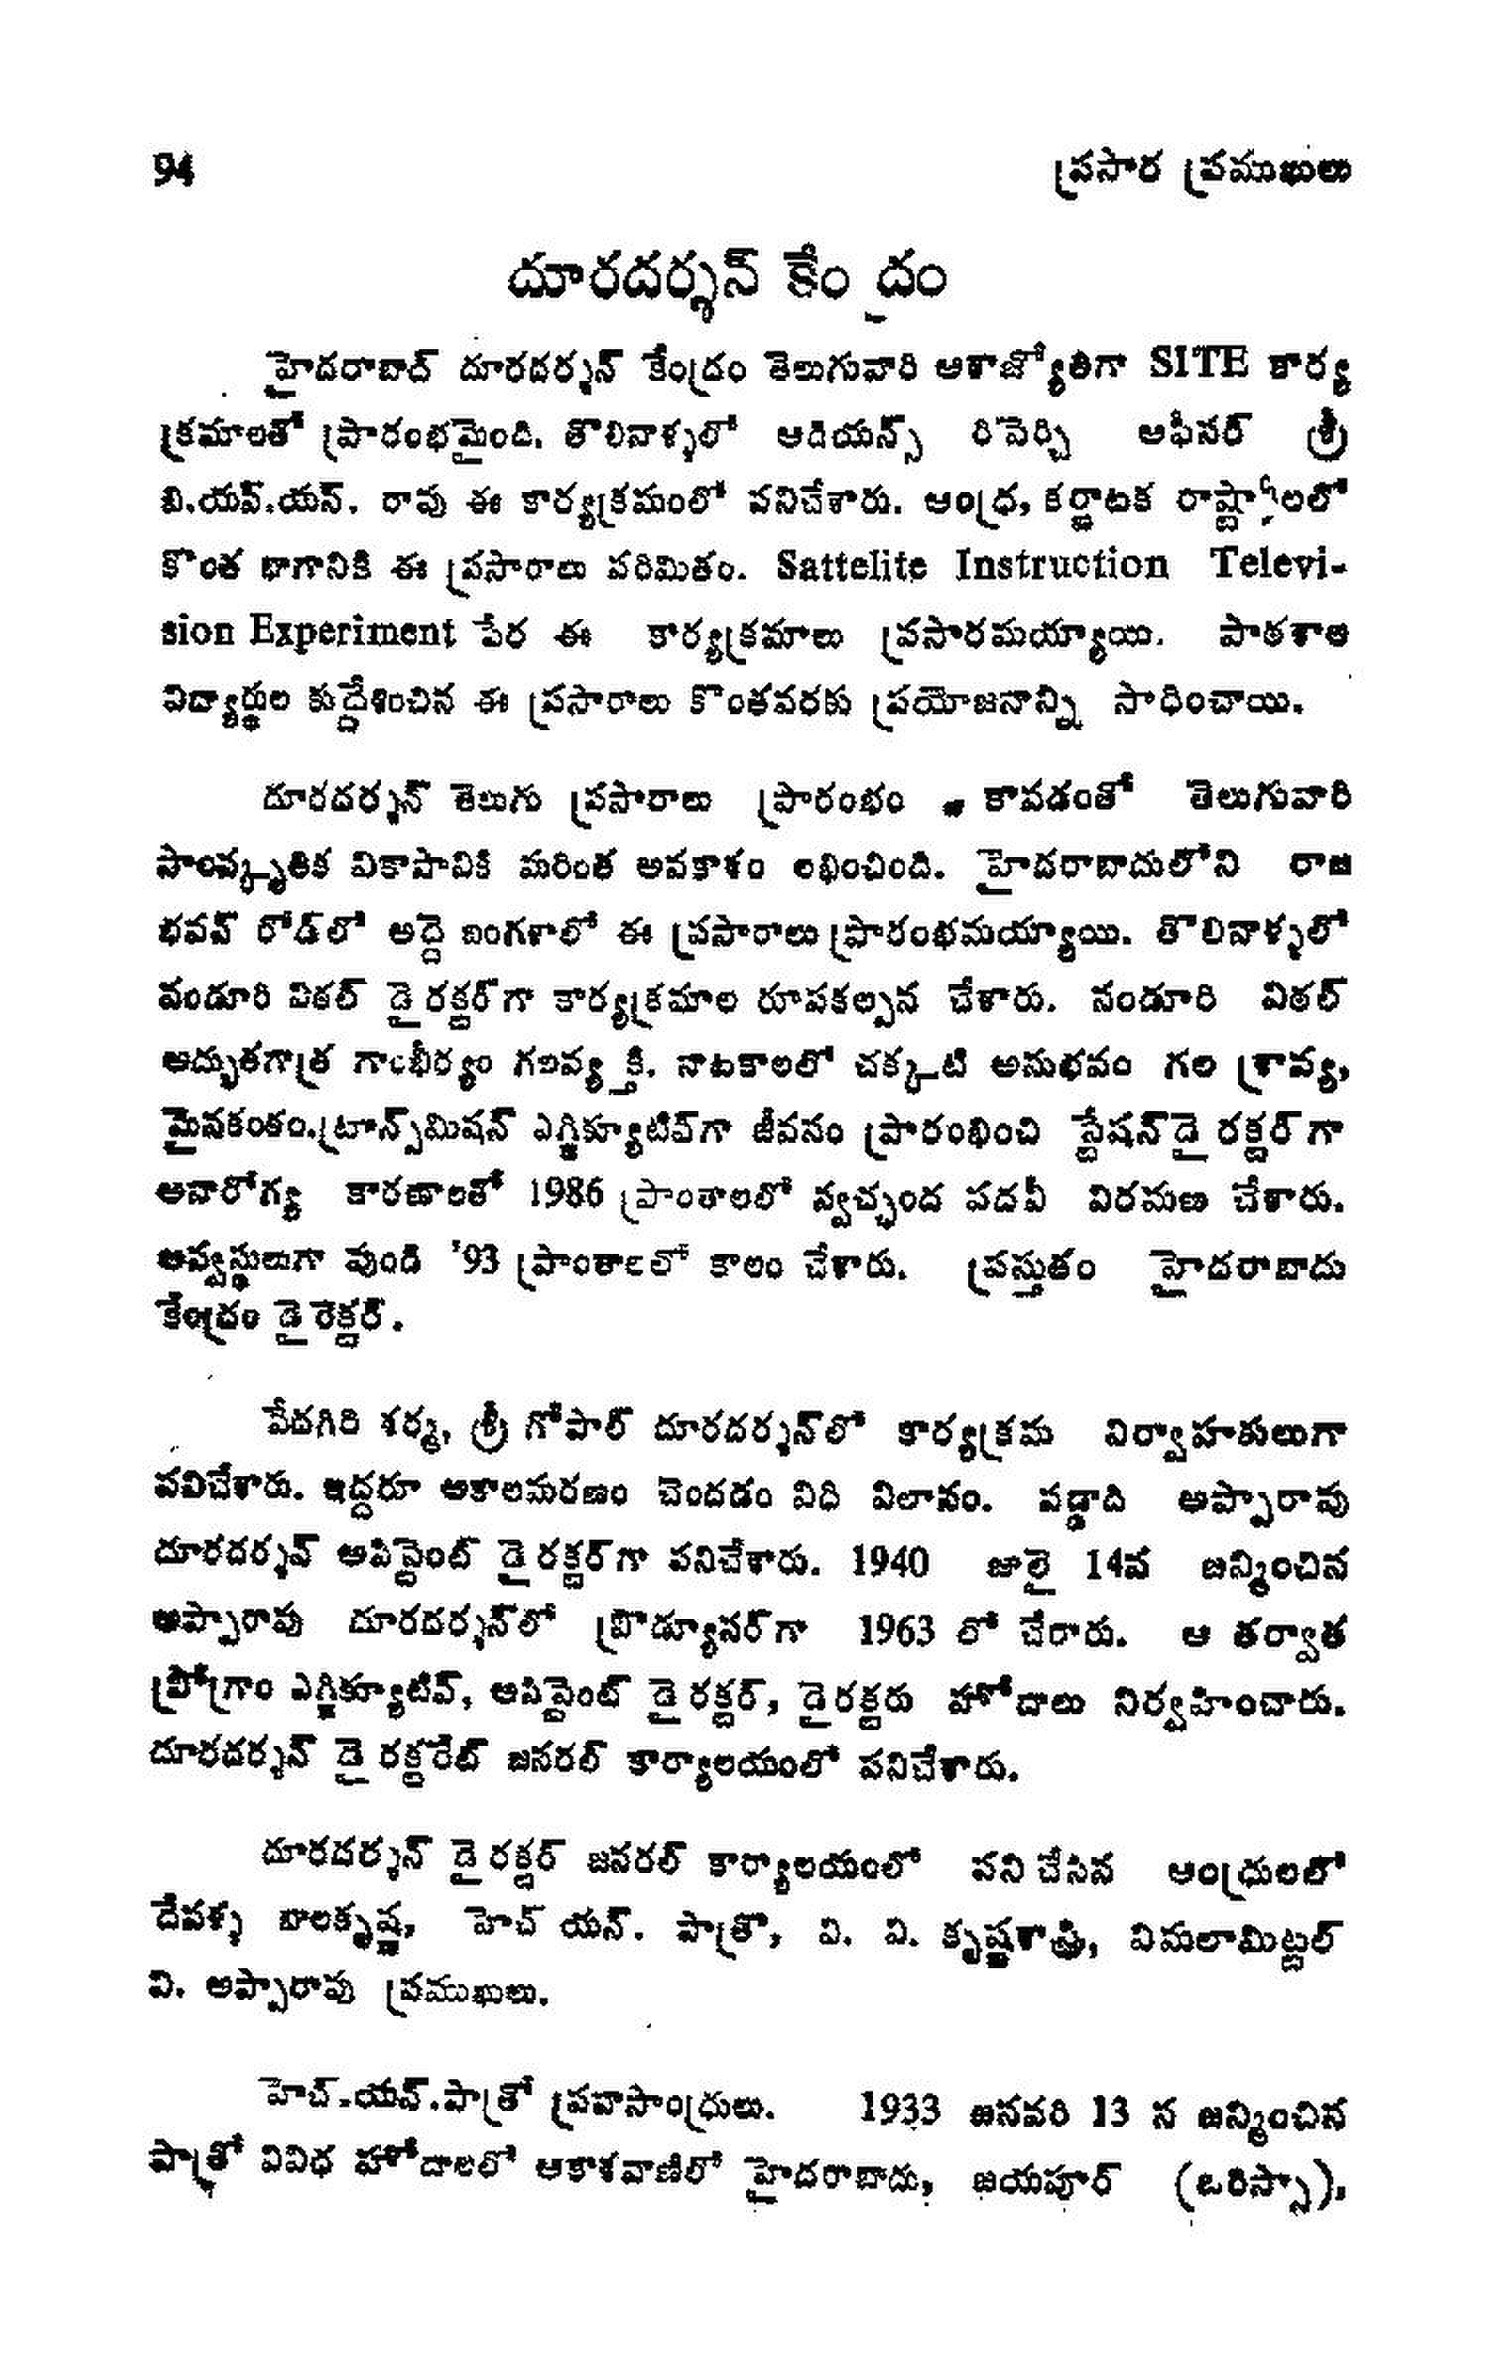హైదరాబాద్ దూరదర్శన్ కేంద్రం తెలుగువారి ఆశాజ్యోతిగా SITE కార్యక్రమాలతో ప్రారంభమైంది. తొలినాళ్ళలో ఆడియన్స్ రిసెర్చి ఆఫీసర్ శ్రీ బి. యస్. యన్. రావు ఈ కార్యక్రమంలో పనిచేశారు. ఆంధ్ర, కర్ణాటక రాష్ట్రాలలో కొంత భాగానికి ఈ ప్రసారాలు పరిమితం. Sattelite Instruction Television Experiment పేర ఈ కార్యక్రమాలు ప్రసారమయ్యాయి. పాఠశాల విద్యార్థుల కుద్దేశించిన ఈ ప్రసారాలు కొంతవరకు ప్రయోజనాన్ని సాధించాయి.

దూరదర్శన్ తెలుగు ప్రసారాలు ప్రారంభం కావడంతో తెలుగువారి సాంస్కృతిక వికాసానికి మరింత అవకాశం లభించింది. హైదరాబాదులోని రాజభవన్ రోడ్‌లో అద్దె బంగళాలో ఈ ప్రసారాలు ప్రారంభమయ్యాయి. తొలినాళ్ళలో నండూరి విఠల్ డైరక్టర్‌గా కార్యక్రమాల రూపకల్పన చేశారు. నండూరి విఠల్ అద్భుతగాత్ర గాంభీర్యం గలవ్యక్తి. నాటకాలలో చక్కటి అనుభవం గల శ్రావ్య, మైనకంఠం. ట్రాన్స్‌మిషన్ ఎగ్జిక్యూటివ్‌గా జీవనం ప్రారంభించి స్టేషన్ డైరక్టర్‌గా అనారోగ్య కారాణాలతో 1986 ప్రాంతాలలో స్వచ్చంద పదవీ విరమణ చేశారు. అస్వస్థులుగా వుండి 93 ప్రాంతాలలో కాలం చేశారు. ప్రస్తుతం హైదరాబాదు కేంద్రం డైరెక్టర్.

వేదగిరి శర్మ, శ్రీ గోపాల్ దూరదర్శన్‌లో కార్యక్రమ నిర్వహకులుగా పనిచేశారు. ఇద్దరూ అకాలమరణం చెందడం విధి విలాసం. వడ్డాది అప్పారావు దూరదర్శన్ అసిస్టెంట్ డైరక్టర్‌గా పనిచేశారు. 1940 జులై 14న జన్మించిన అప్పారావు దూరదర్శన్‌లో ప్రొడ్యూసర్‌గా 1963 లో చేరారు. ఆ తర్వాత ప్రోగ్రాం ఎగ్జిక్యూటివ్, అసిస్టెంట్ డైరక్టర్, డైరక్టరు హోదాలు నిర్వహించారు. దూరదర్శన్ డైరక్టరేట్ జనరల్ కార్యాలయంలో పనిచేశారు.

దూరదర్శన్ డైరక్టర్ జనరల్ కార్యాలయంలో పని చేసిన ఆంధ్రులలో దేవళ్ళ బాలకృష్ణ, హెచ్. యన్. పాత్రో, వి. వి. కృష్ణశాస్త్రి, విమలామిట్టల్, వి. అప్పారావు ప్రముఖులు.

హెచ్. యన్. పాత్రో ప్రవాసాంధ్రులు. 1933 జనవరి 13 న జన్మించిన పాత్రో వివిధ హోదాలలో ఆకాశవాణిలో హైదరాబాదు, జయపూర్ (ఒరిస్సా)